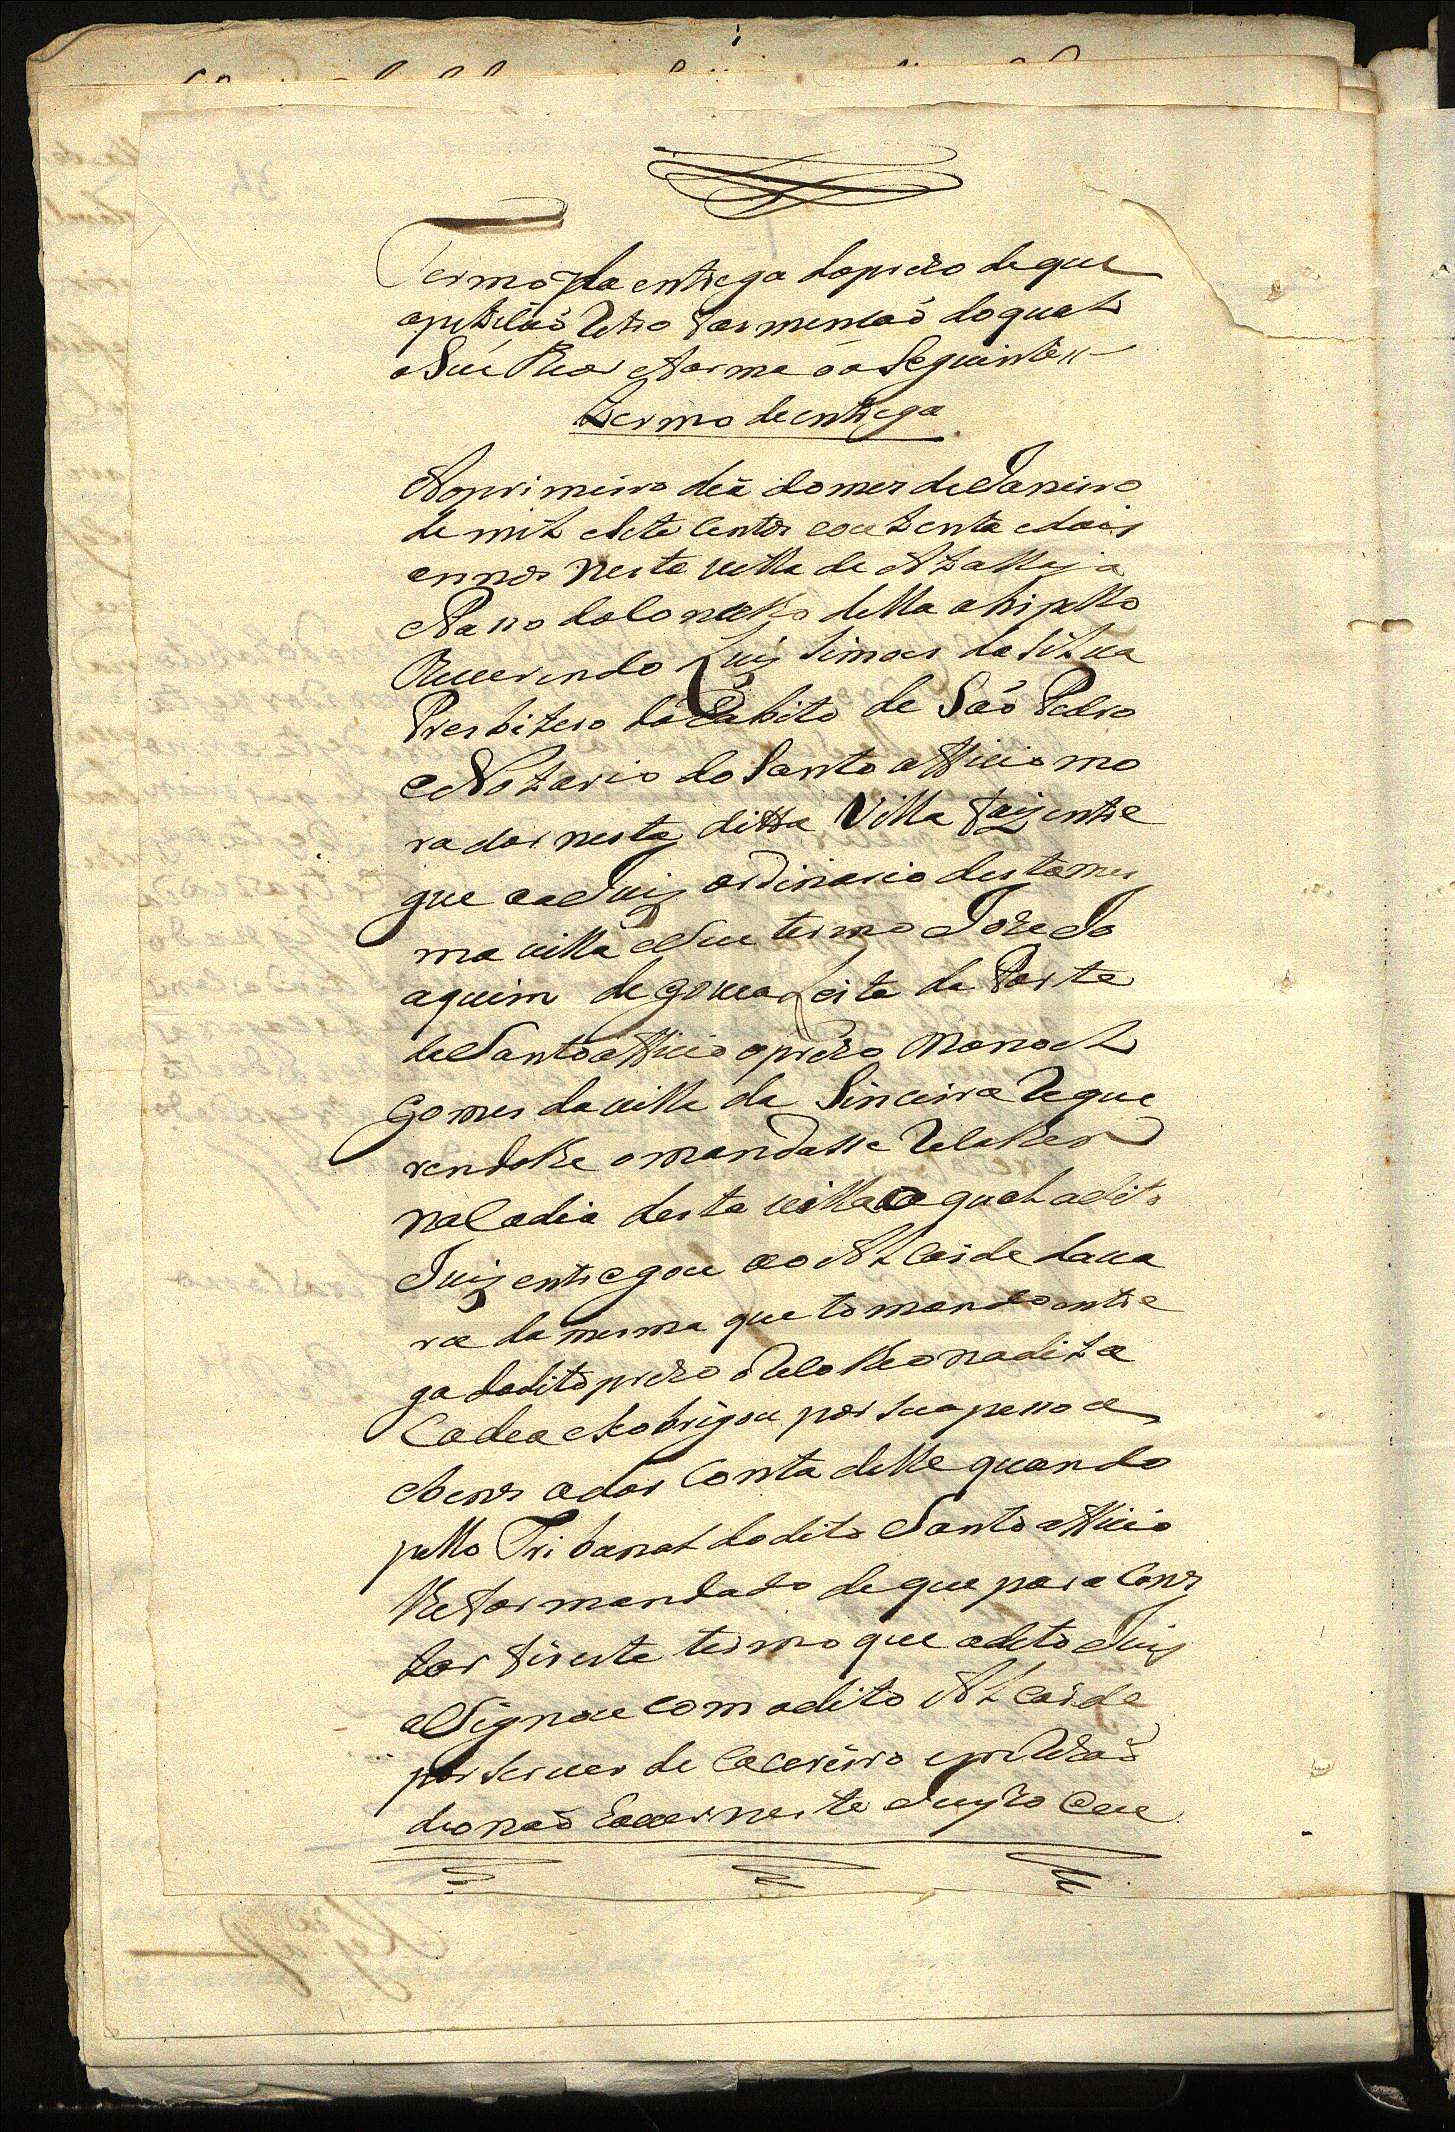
Termo da entrega do prezo de que
a petiçaõ Retro faz mençaõ do qual
a Seu Reo eforma o a seguinte//
Termo de entrega
Ao primeiro diá do mes de Ianeiro
de miL e setecentos e outenta e dois
annos nesta villa de Atallaja
Passo do Concelho della ahi pello
Reuerendo Luis Simoes da Silua
Presbitero do habito de São Pedro
e Notario do Santo officio mo
rador nesta ditta Villa faiz entre
gue ao Iuis ordinario desta mes
ma uilla e Seu termo Ioze Io
aquim de gouea Leite da Parte
de Santo officio o prezo Manoel
Gomes da uilla da Sirieira Reque
rendolhe o mandasse Recolher
na cadea desta uilla o qual o dito
Iuiz entregou ao Alcaide da ua
ra da mesma que tomando entre
ga do dito prezo o Recolheo na dita
Cadea e se obrigou por sua pessoa
e bens a dar conta delle quando
pello Tribunal do dito Santo officio
lhe for mandado de que para cons
tor fis este termo que o dito Iuis
aSignou com o dito Alcaide
por seruer de cacereiro e por Rezaõ
de o não hauer neste Iuyzo e eu
